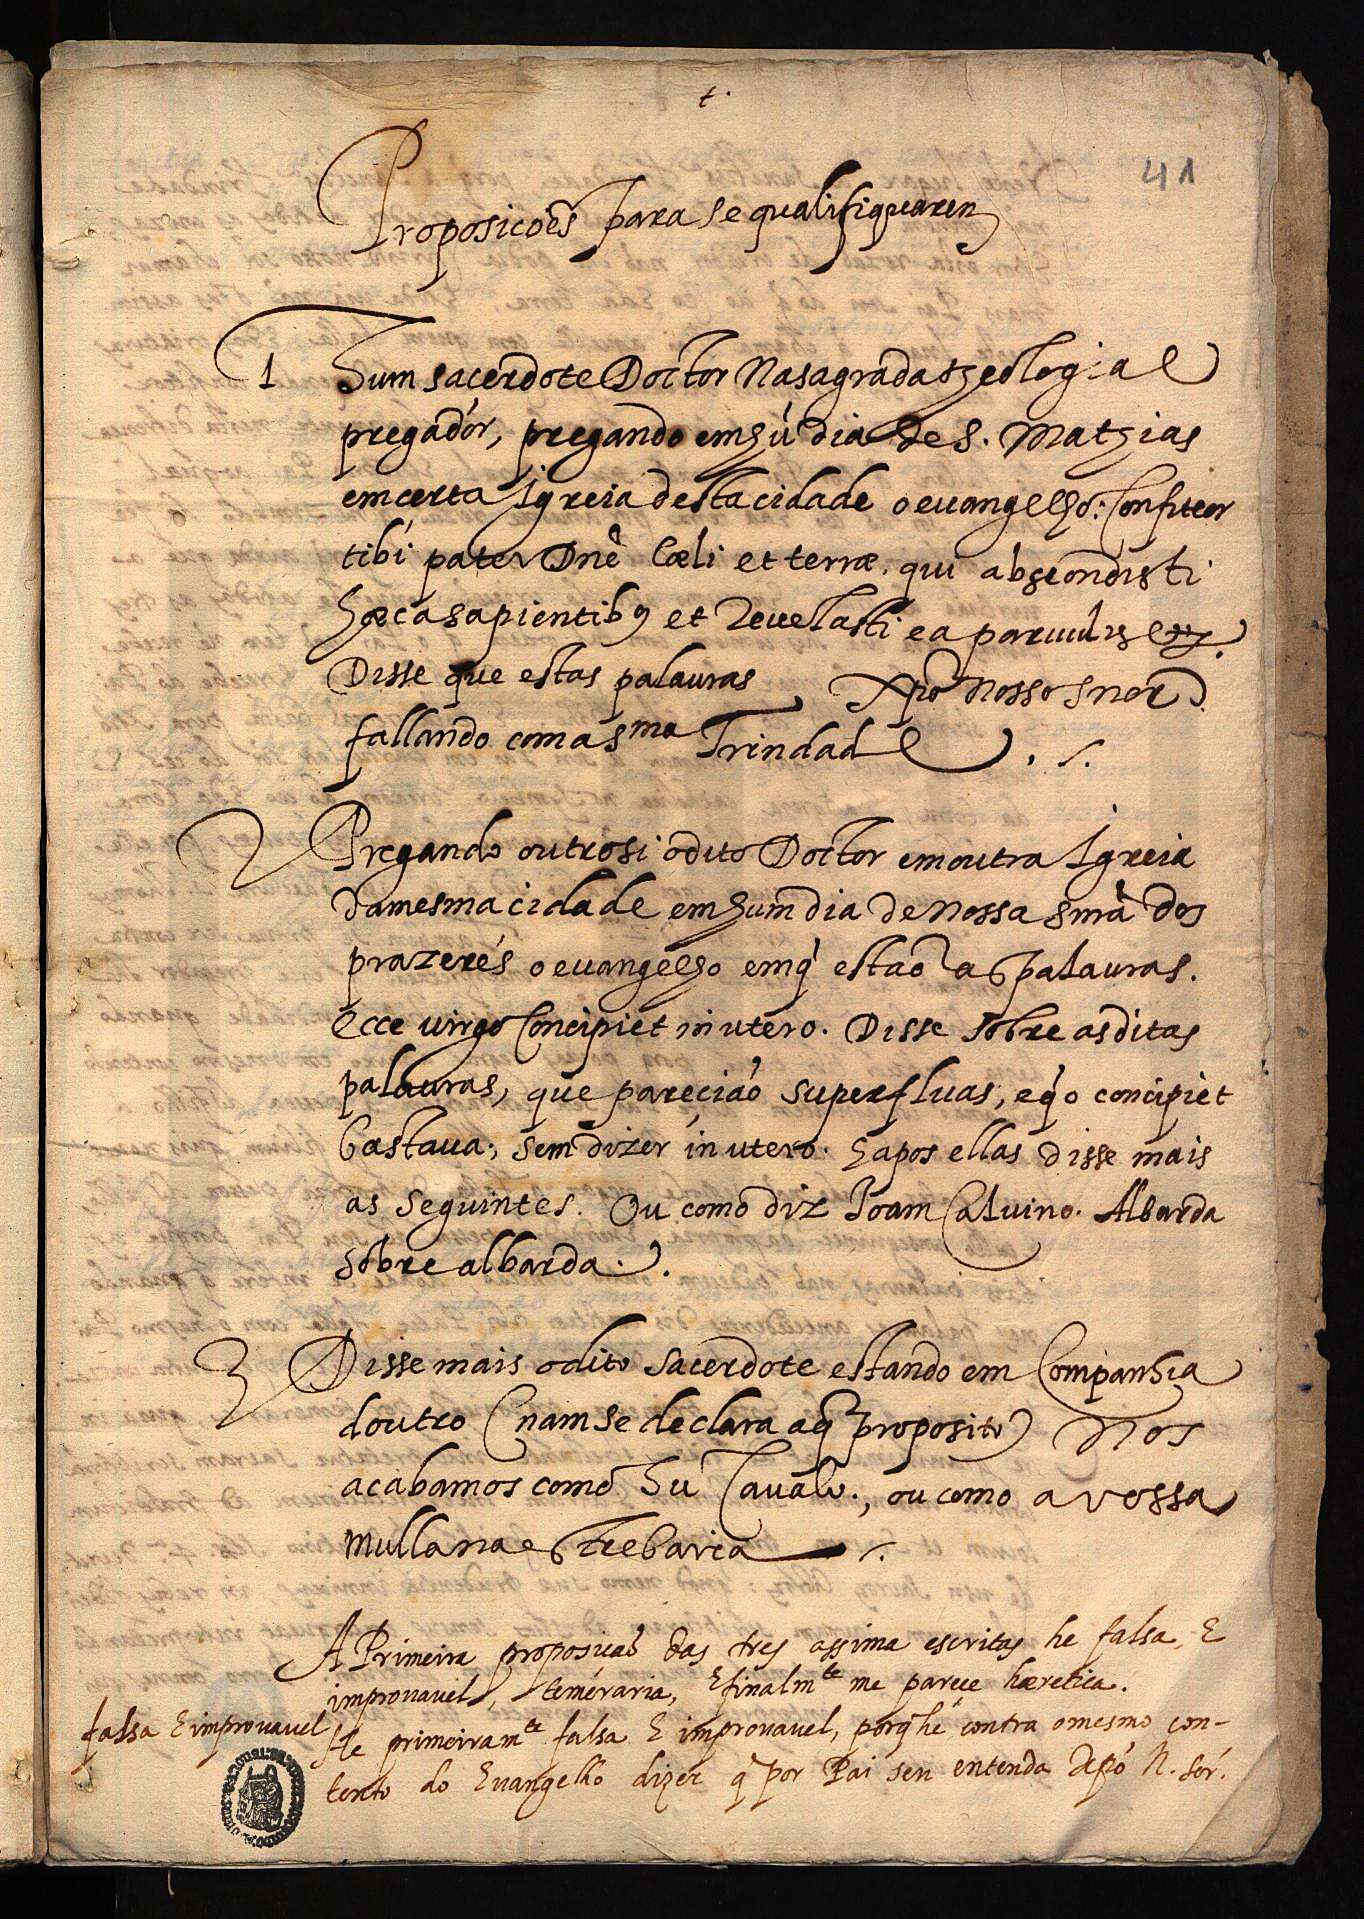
Proposiçoẽs para se qualifiquaren
1 hum sacerdote Doctor na sagrada theologia e
pregador, pregando em hū dia de S. Mathias
em certa Igreia desta cidade o euangelho: Confiteor
tibi pater Dnē Cæli et terræ, qui abscondisti
hæc a sapientibꝯ et Reuelasti ea paruulis &ꝭ.
Disse q̄ estas palauras Xpō nosso snor̄
fallando com a sma Trindade.
2 Pregando outrosi o dito Doctor em outra Igreia
da mesma cidade em hum dia de nossa snrā dos
prazeres o euangelho em q̄ estaõ as palauras.
ecce uirgo Concipiet in utero. Disse sobre as ditas
palauras, que pareciaõ superfluas, e q̄ o concipiet
bastaua; sem dizer in utero. E apos ellas disse mais
as seguintes. Ou como diz Ioam Caluino. Albarda
sobre albarda.
3 Disse mais o dito sacerdote estando em Companhia
doutro (nam se declara a q̄ proposito) Nos
acabamos como hū Caualo; ou como a vossa
mulla na estrebaria /.
A Primeira proposiçaõ das tres assima escritas he falsa, E
improuauel, temeraria, E finalmte me parece hæretica.
falsa E improuauel
He primeiramte falsa E improuauel, porq̄ he contra o mesmo con
texto do Euangelho dizer q̄ por Pai seu entenda Xpō N. Sor̄.
